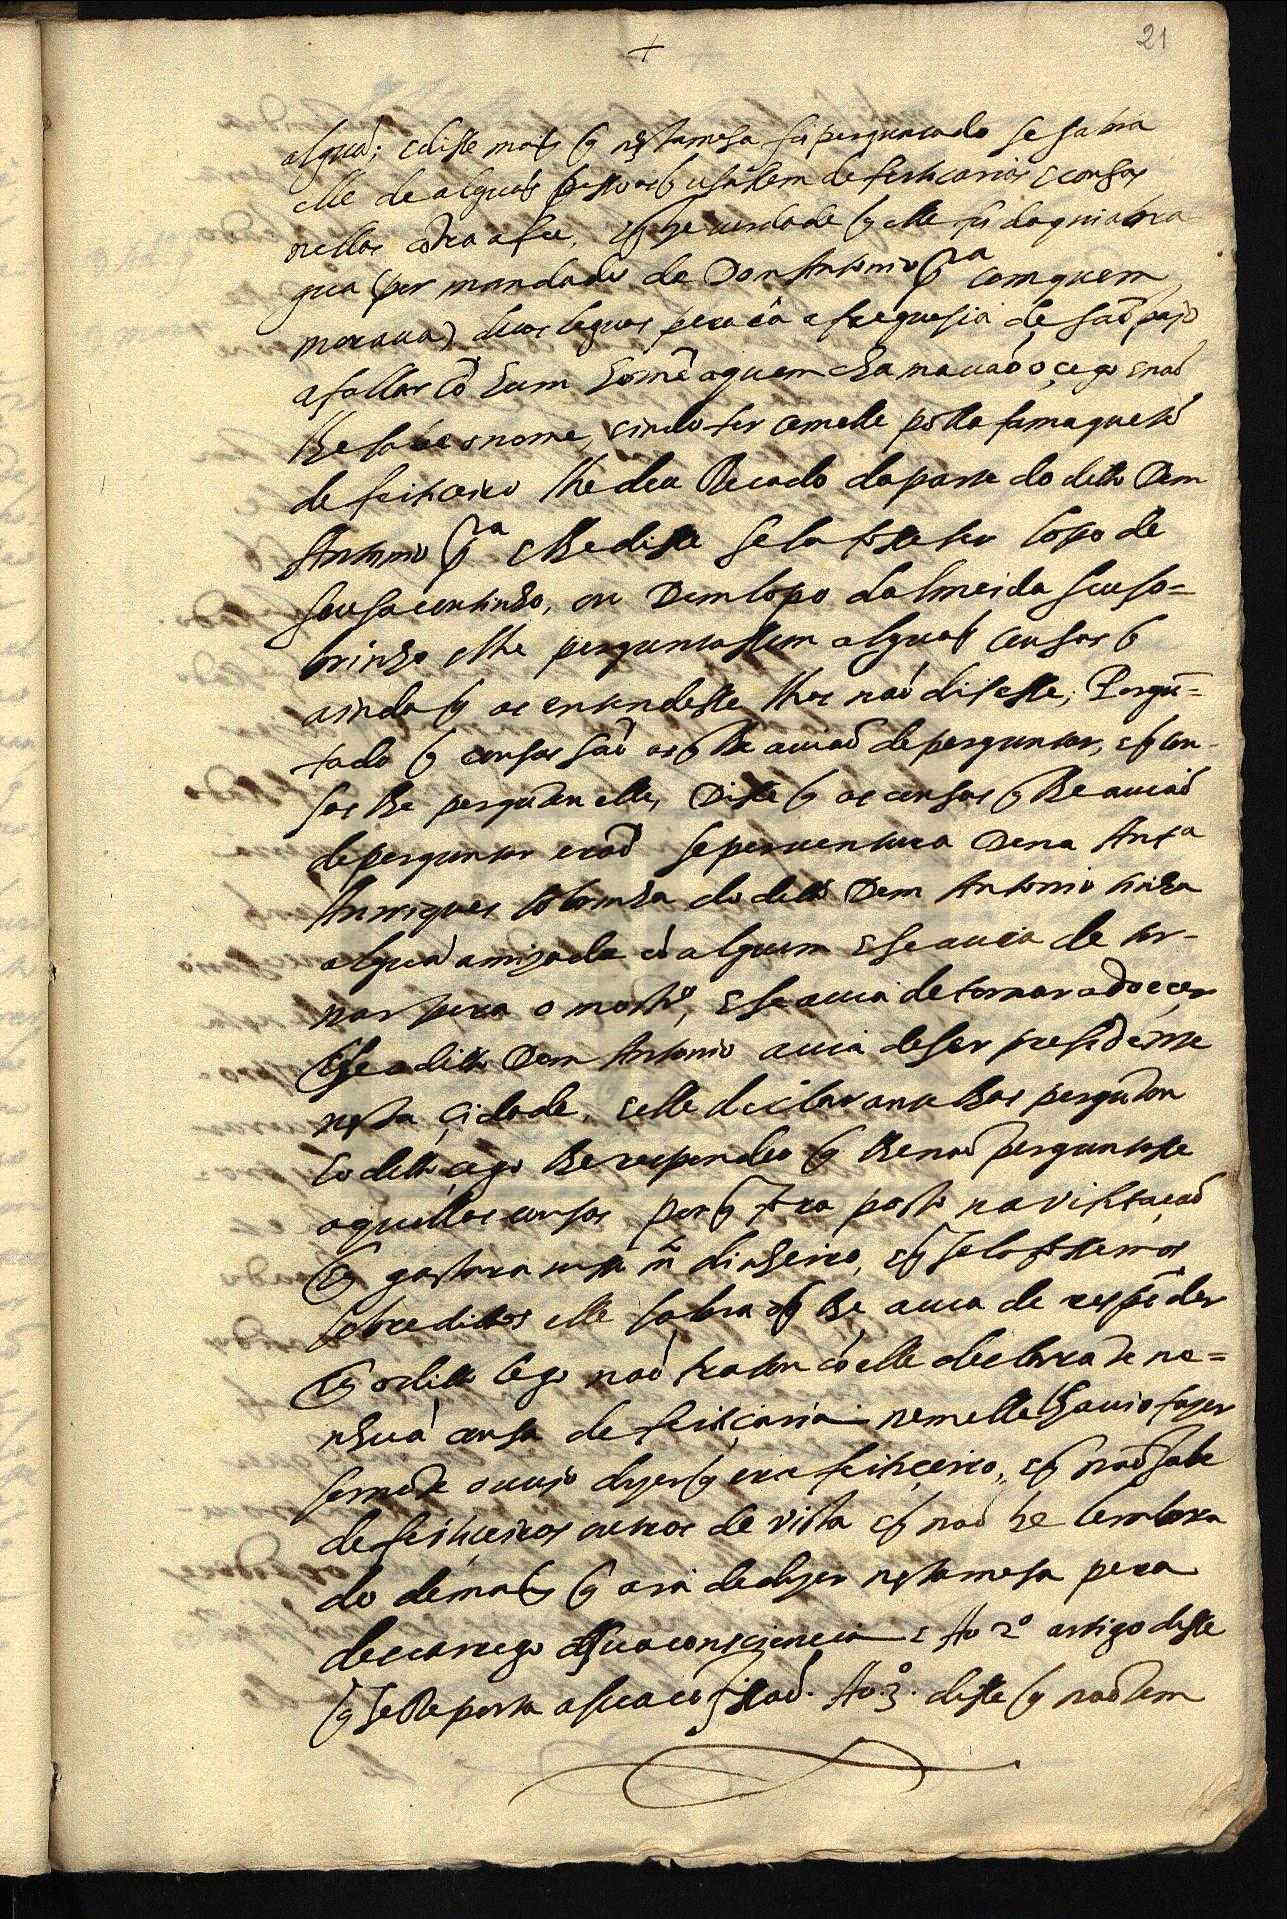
alguā; E disse mais q̄ nesta mesa foi perguntado se sabia
elle de alguas̄ pessoas q̄ usassem de feiticarias E cousas
nellas cōtra a fee, E q̄ he uerdade q̄ elle foi daqui a bra
gua (per mandado de Dom Antonio pra com quem
moraua) duas leguas pera câ a freguesia de saõ pajo
a fallar cō hum homē a quem chamauaõ o çego E naõ
lhe sabe o nome, E indo ter com elle polla fama que tē
de feiticeiro lhe deu Recado da parte do ditto Dom
Antonio pra E lhe disse se la fosse ter lopo de
sousa coutinho, ou Dom lopo dalmeida seu so
brinho e lhe perguntassem alguas̄ cousas q̄
ainda q̄ as entendesse lhas naõ disesse; Pergū
tado q̄ cousas saõ as q̄ lhe auiaõ de perguntar, E q̄ cou
sas lhe pergūtou elle, Disse q̄ as cousas q̄ lhe auiaõ
de perguntar eraõ se per uentura Dona Anta
Anriques sobrinha do ditto Dom Antonio tinha
alguā amizade cō alguem E se auia de tor
nar pera o mostro, E se auia de tornar adoeçer
E se o ditto Dom Antonio auia de ser presidente
nesta çidade, E elle declarante lhas pergūtou
E o ditto çego lhe respondeo q̄ lhe naõ perguntasse
aquellas cousas porq̄ fora posto na visitaçaõ
E q̄ gastara nisso mto dinheiro, E q̄ se la fossem os
sobredittos elle sabia o q̄ lhe auia de respōder
E q̄ o ditto cego naõ tratou cō elle declarāte ne
nhuā cousa de feitiçaria nem elle lha uio fazer
somēte ouujo dizer q̄ era feitiçeiro, E q̄ naõ sabe
de feitiçeiros outros de vista E q̄ naõ he lembra
do de mais q̄ aia de dizer nesta mesa pera
descarrego de sua consciencia E Ao 2o artigo disse
q̄ se Reporta a sua cōfissaõ. Ao .3o. disse q̄ naõ tem
